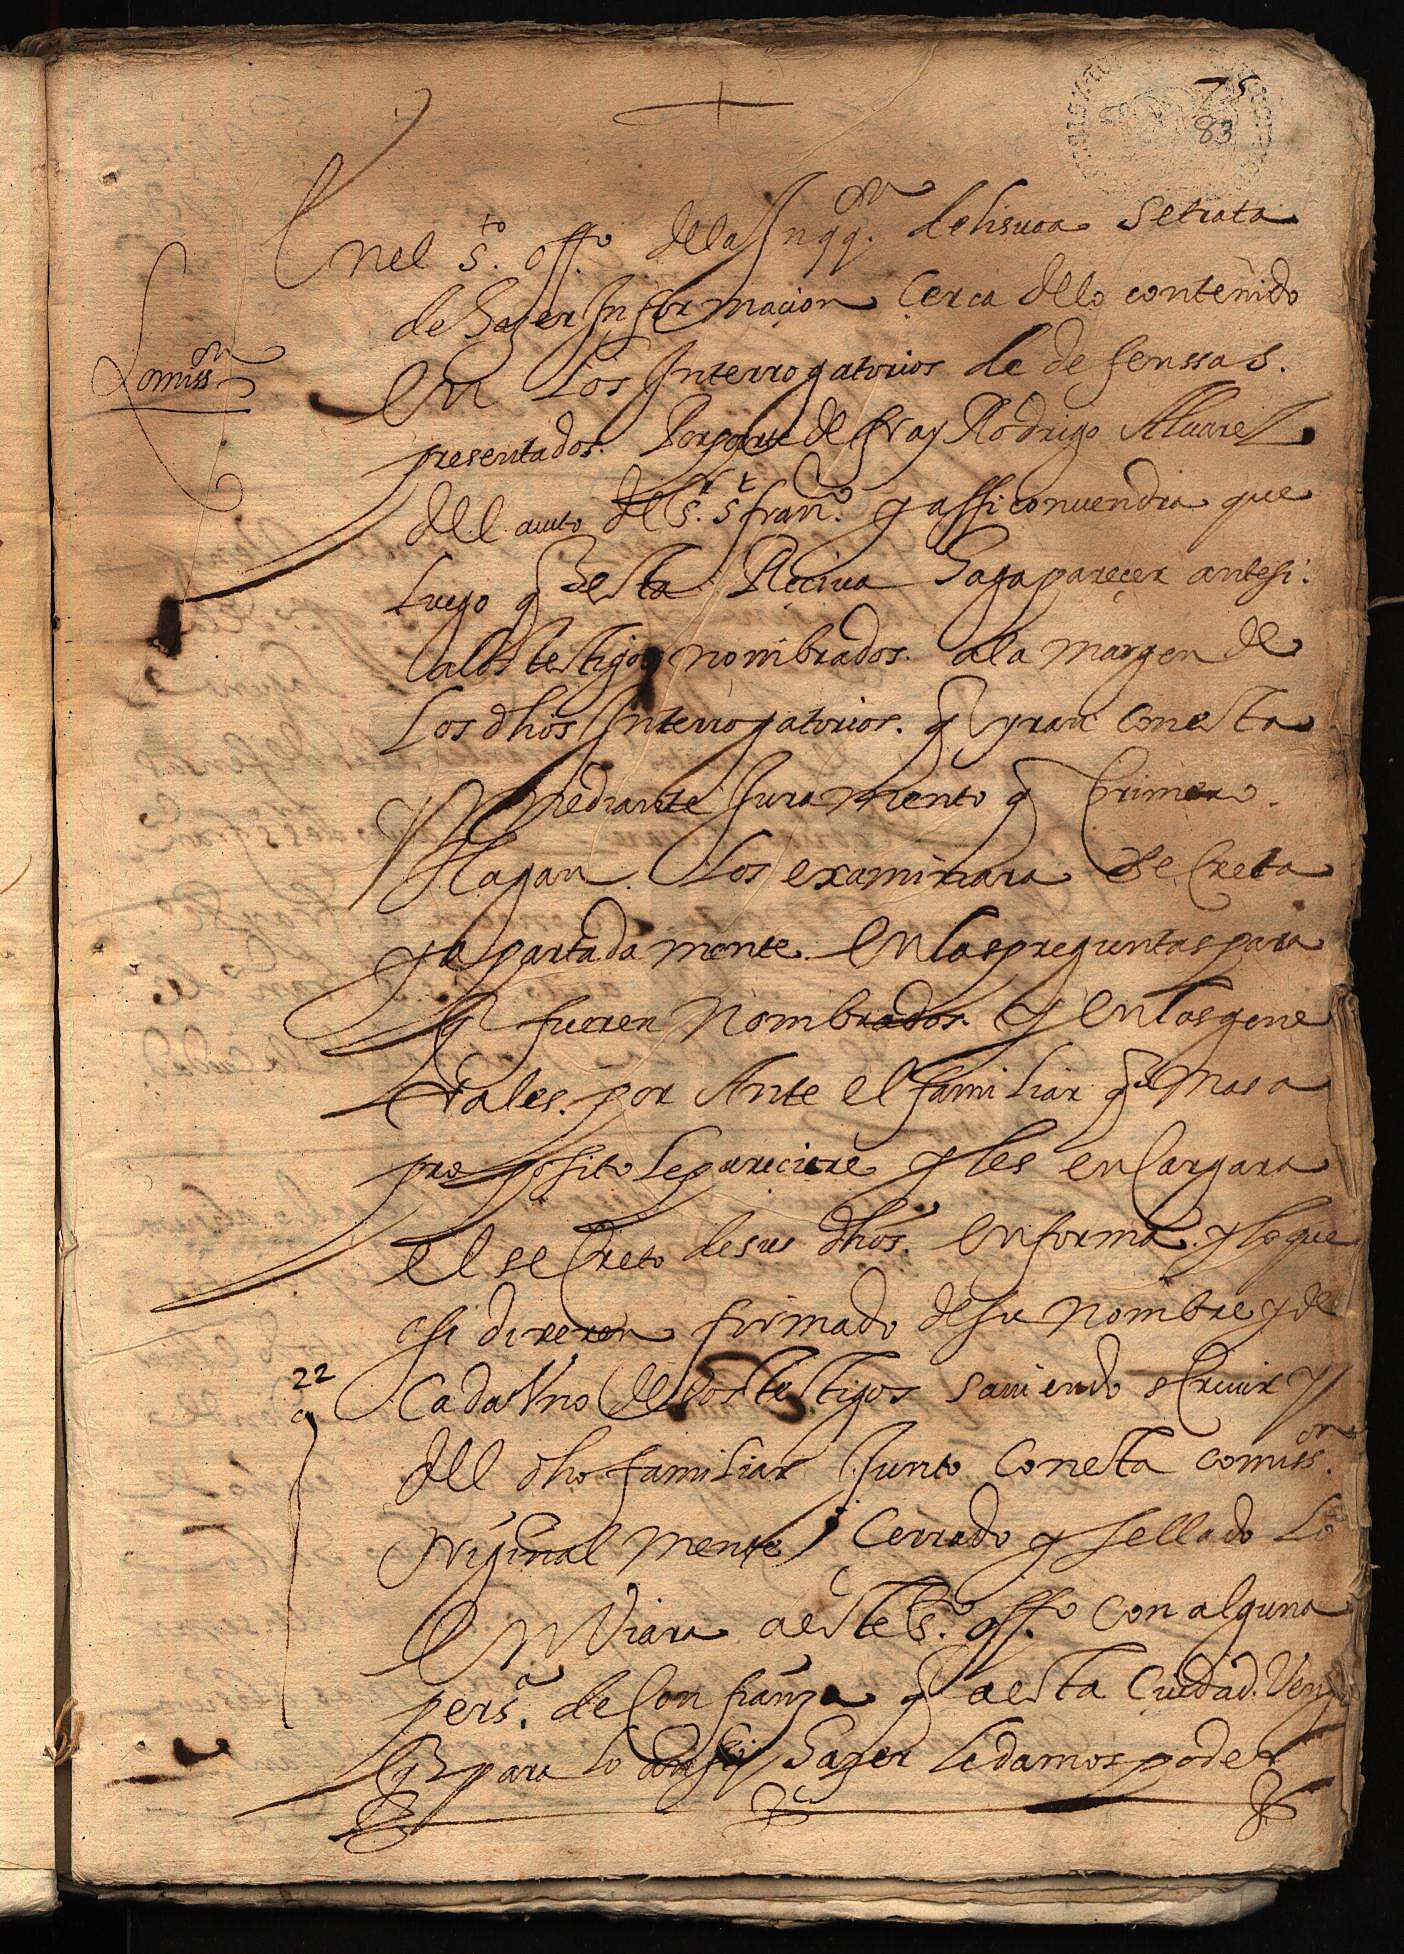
En el s.to off.o de la Jnqq.on de lisuoa se trata
de hazer Jnformacion cerca de lo contenido
en Los Jnterrogatorios de defenssas
Comisson
presentados. Por parte de fray Rodrigo AluareZ
del auto de s.r st fran.co y assi conuendia que
luego q̄ esta Reciua haga parecer ante si
a los testigos nombrados e la margen de
los ohos Jnterrogatorios q̄ yran con esta
y mediante Juramento q̄ primero
Hagan los examinara seCreta
y apartadamente en las preguntas para
q̄ fueren nombrados y en las gene
rales por Ante el familiar q̄ mas a
proposito le pareciere y les enCargara
el seCreto de sus dhōs en forma y lo que
asi dixeren firmado de su nombre y de
cada Vno de los testigos sauiendo sCreuir y
22
del dho familiar Junto con esta comiss.on
Originalmente cerrado y sellado lo
enviara a este s.to off.o con alguna
pers.a de Confianza q̄ a esta ciudad Veng
q̄ para lo ansj hazer le damos poder
